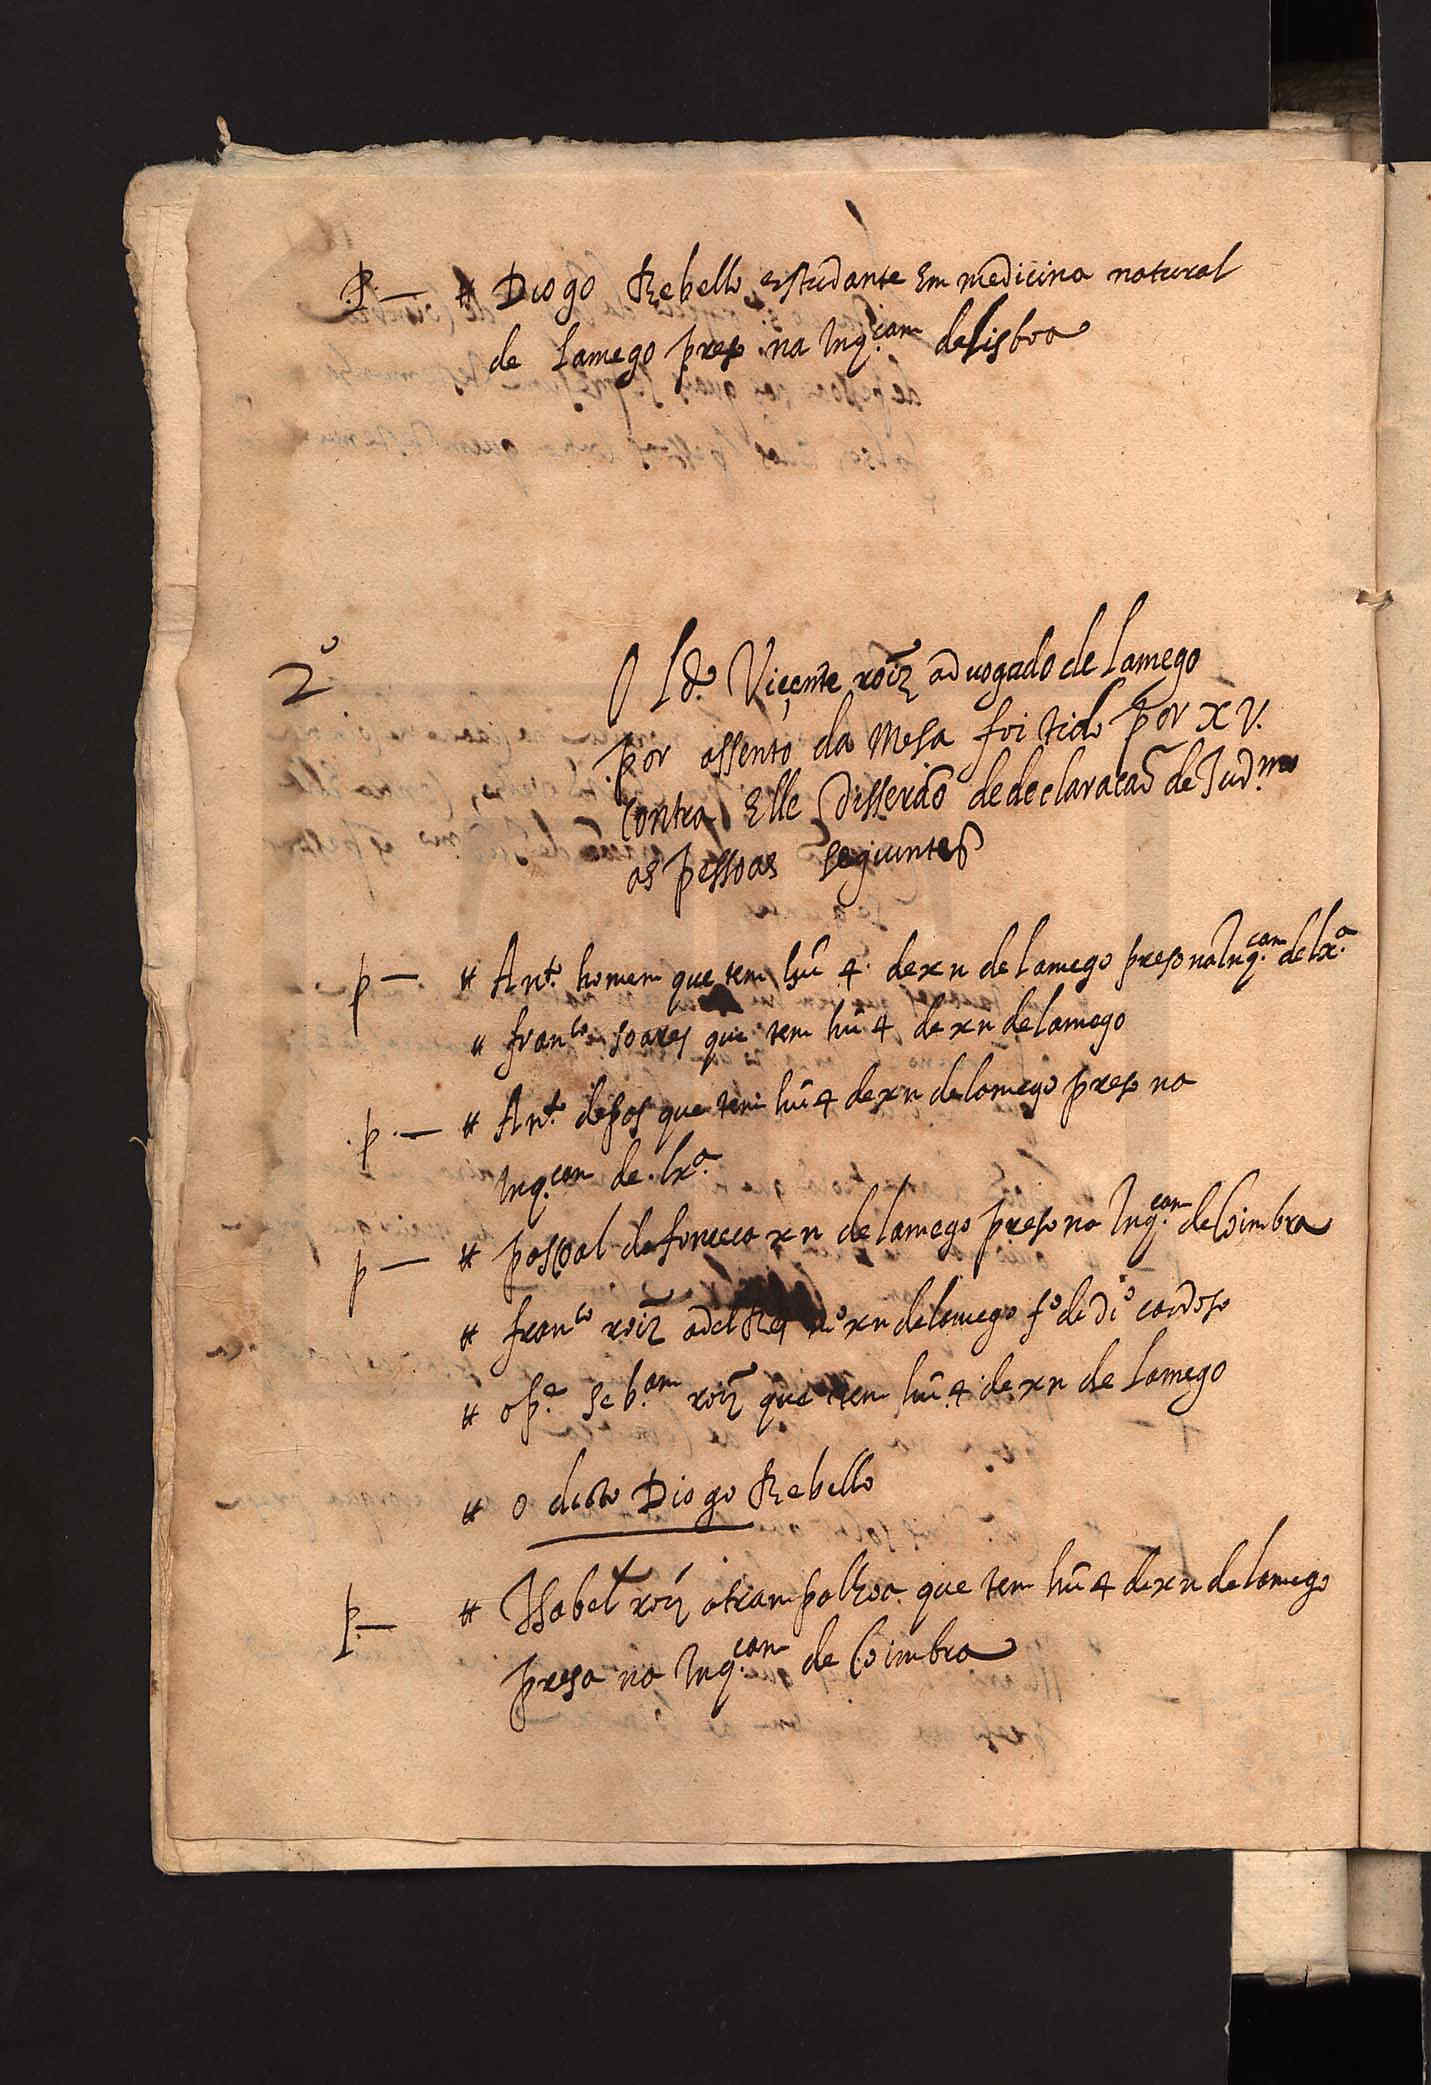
P – item Diogo Rebello Estudante Em medicina natural
de Lamego preso na Inq.cam de Lisboa
O Ldo Vicente roīz aduogado de Lamego
por assento da Mesa foi tido por XV.
contra Elle disserão de declaracaõ de Iud.mo
as pessoas seguintes
item Anto homem que tem hū 4 de xn de Lamego preso na Inq.cam de lx.a
item franco soares que tem hū 4 de xn de lamego
item Anto de pas que tem hū 4 de xn de lamego preso na
Inq.cam de lx.a
item pascoal da fonceca xn de Lamego preso na Inq.cam de Coimbra
item franco roīz o del Rej mo xn de lamego fo de dio cardoso
item o p.e seb.am roīz que tem hū 4 de xn de Lamego
item o dicto Diogo Rebello
item Isabel roīz a trampalhoa que tem hū 4 de xn de Lamego
presa na Inq.cam de Coimbra
